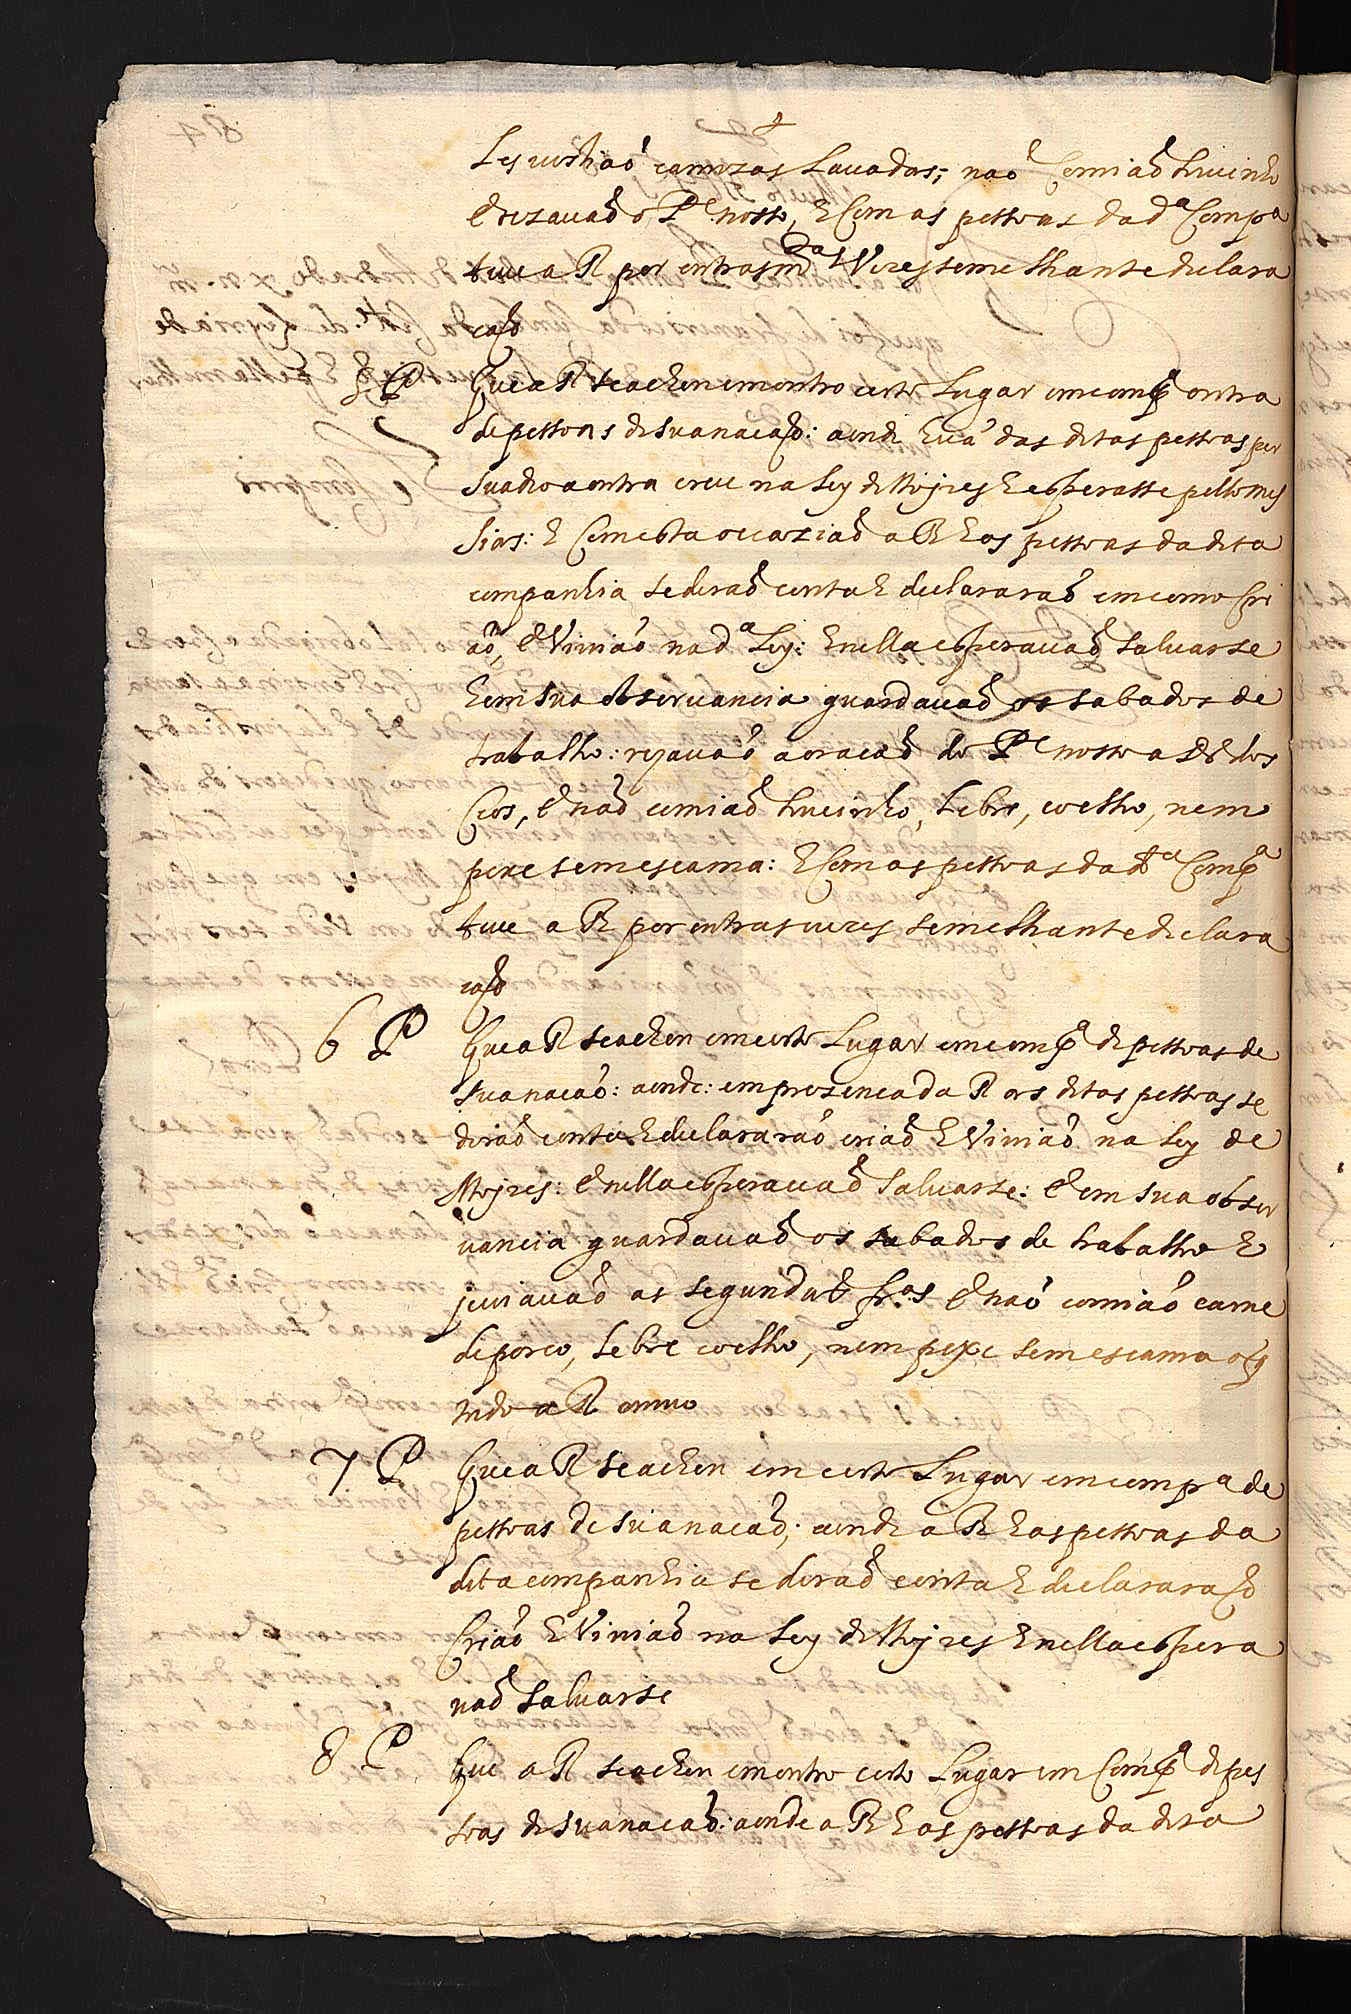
Les uestiaõ camizas Lauadas; naõ Comiaõ toucinho
& rezauaõ o Pe nosso, E Com as pessoas da da Compa
teue a R por outras mtas Vezes semelhante declara
caõ
5 P Que a R se achou em outro certo Lugar em compa outra
de pessoas de sua nacaõ: aonde huā das ditas pessoas per
suadio a outra crece na Ley de Mojzes E esperasse pello mes
Sias: E Com esta occaziaõ a R E as pessoas da dita
companhia se deraõ conta E declararaõ em como Cri
aõ, & Viuiaõ na da Ley: E nella esperauaõ saluarse
E em sua obseruancia guardauaõ os sabados de
trabalho : rezauaõ a oracaõ do Pe nosso a Ds̄ dos
Ceos, & naõ comiaõ toucinho, Lebre, coelho, nem
pexe sem escama: E Com as pessoas da d̄a Compa
teue a R por outras uezes semelhante declara
caõ
6 P Que a R se achou em certo Lugar em compa de pessoas de
sua nacaõ : aonde: em prezenca da R as ditas pessoas se
deraõ conta E declararaõ criaõ E Viuiaõ na Ley de
Mojzes: & nella esperauaõ saluarse: & em sua obser
uancia guardauaõ os sabados de trabalho E
jeiuauaõ as segundas fr.as & naõ comiaõ carne
de porco, Lebre coelho, nem pexe sem escama o q̄
tudo a R ouuio
7 P Que a R se achou em certo Lugar em compa de
pessoas de sua nacaõ; aonde a R E as pessoas da
dita companhia se deraõ conta E declararaõ
Criaõ E Viuiaõ na Ley de Mojzes E nella espera
uaõ saluarse
8 P Que a R se achou em outro certo Lugar em Compa de pes
soas de sua nacaõ: aonde a R E as pessoas da dita
